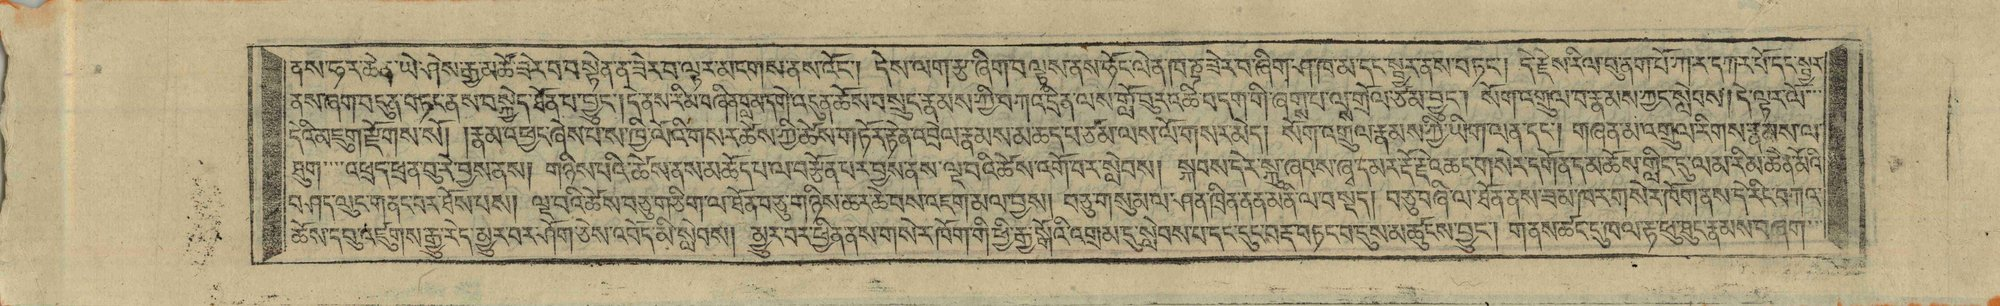ནས་ཧར་ཆེན་ཡེ་ཤེས་རྒྱ་མཚོ་ཟེར་བ་བསྟེན་ན་ཟེར་བ་ལྟར་མངགས་ནས་འོང་། དེས་ལག་རྩ་ཞིག་བལྟས་ནས་ཧོང་ལེན་ཁཎྜ་ཟེར་བ་ཞིག་ཤ་ཁ་མ་དང་སྦྱར་ནས་བཏང་། དེ་རྗེས་རིལ་བུ་ནག་པོ་ཀ་ར་དཀར་པོ་དང་སྦྱར་
ནས་ཞག་བདུན་བཏང་ནས་བསྐྱེད་ཐོན་པ་བྱུང་། དེ་ནས་རིམ་བཞིན་བླ་མ་དགེ་འདུན་ཆོས་བསྲུང་རྣམས་ཀྱི་བཀའ་དྲིན་ལས་གློ་བུར་འཆི་བདག་གི་ཞགས་པ་ལས་གྲོལ་ཙམ་བྱུང་། སོག་འགྲུལ་བ་རྣམས་ཀྱང་སླེབས། དེ་ལྟར་ལོ་
དེའི་མཇུག་རྫོགས་སོ། །རྣམ་འཕྱང་ཞེས་པས་ཁྱི་ལོའི་གསར་ཚེས་ཀྱི་ཚེས་གཏོར་རྟེན་འབྲེལ་རྣམས་མ་ཆད་པ་ཙམ་ལས་ལོ་གསར་མེད། སོག་འགྲུལ་རྣམས་ཀྱི་ཡིག་ལན་དང་། གཞན་མ་འགྲུལ་རིགས་རྣམས་ལ་
ཐུག་འཕྲད་ཕྲན་བུ་རེ་བྱས་ནས། གཉིས་པའི་ཚེས་ནས་མཆོད་པ་ལ་བརྩོན་པར་བྱས་ནས་ལྔ་བའི་ཚེས་འགོ་བར་སླེབས། སྐབས་དེར་སྐུ་ཞབས་ཞྭ་དམར་རྡོ་རྗེ་འཆང་གསེར་དགོན་དམ་ཆོས་གླིང་དུ་ལམ་རིམ་ཆེན་མོའི་
བཤད་ལུང་གནང་བར་ཐོས་པས། ལྔ་པའི་ཚེས་བཅུ་གཅིག་ལ་ཐོན་བཅུ་གཉིས་ཆར་ཆེ་བས་འཇག་མལ་བྱས། བཅུ་གསུམ་ལ་ཤན་ཁྲིན་ནན་མིན་ལ་བསྡད། བཅུ་བཞི་ལ་ཐོན་ནས་ཟམ་ཁར་གསེར་ཁོག་ནས་དེ་རིང་བཀའ་
ཆོས་དབུ་འཛུགས་རྒྱུ་རེད་མྱུར་བར་ཤོག་ཅེས་འབོད་མི་སླེབས། མྱུར་བར་ཕྱིན་ནས་གསེར་ཁོག་གི་ཕྱི་རྒྱ་སྒོའི་འགྲམ་དུ་སླེབས་པ་དང་དུང་བརྡ་བཏང་བ་དུས་མཚུངས་བྱུང་། གནས་ཚང་དུ་ཁལ་རྟ་ཕུ་ཐུང་རྣམས་བཞག་